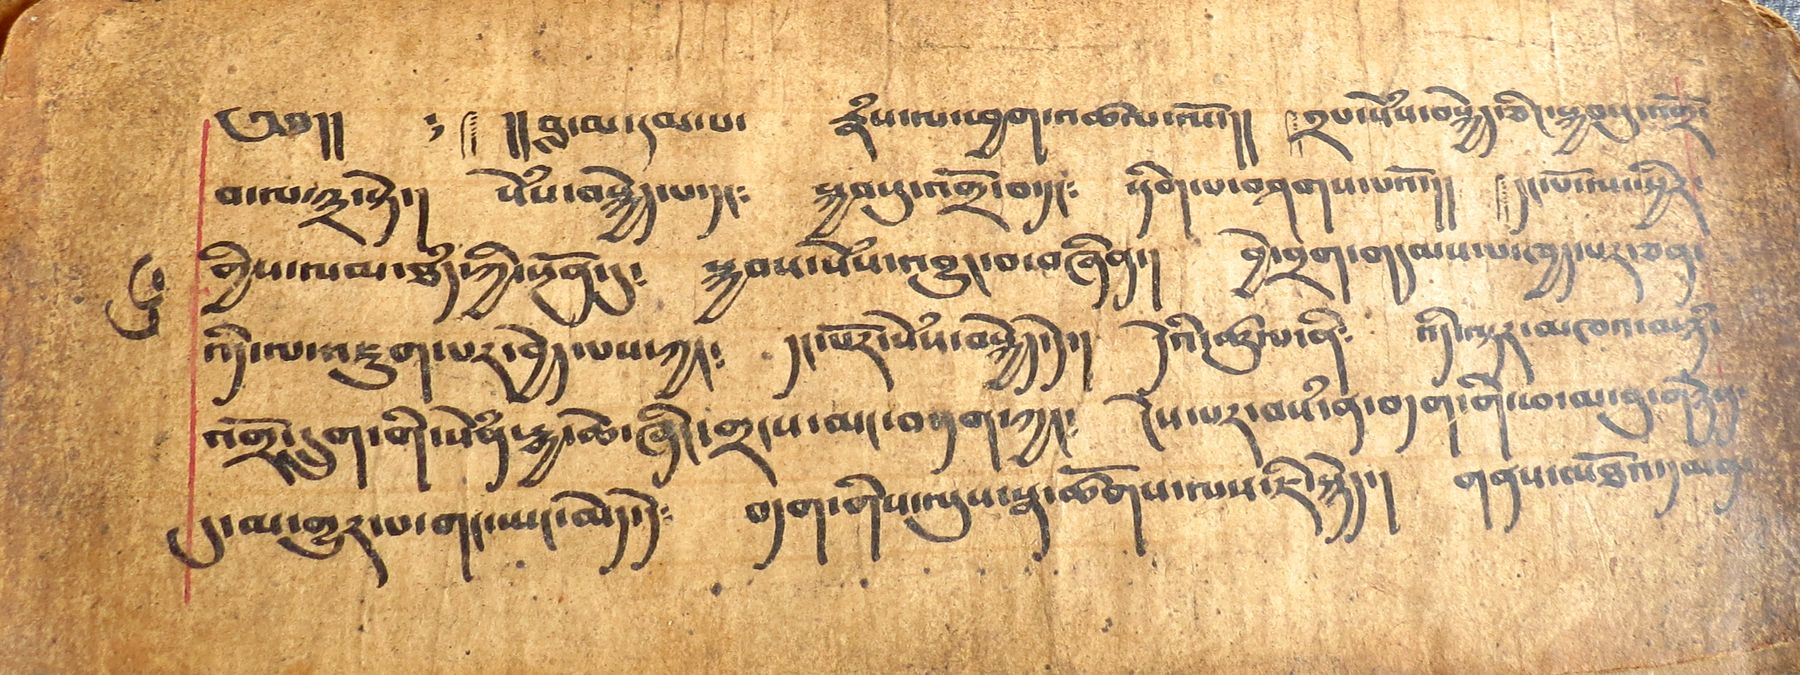བླ་མ་དམ་པ་རྣམས་ལ་ཕྱག་འཚལ་ལོ། ། གཉིས་པ་སེམས་བསྐྱེད་ཅིང་སྐྱབས་སུ་འགྲོ་
བ་ལ་གསུམ་ཏེ། སེམས་བསྐྱེད་པ་དང་། སྐྱབས་སུ་འགྲོ་བ་དང་། སྡིག་པ་བཤགས་པའོ། ། དང་པོ་ལ་སྤྱིར་
ལམ་ཐམས་ཅད་ཀྱི་སྔོན་དུ་སྐྱབས་སེམས་འབྱུང་བ་བཞིན། བྱེ་བྲག་གདམས་པ་ཁྱད་པར་ཅན་
འདི་ལ་འཇུག་པར་བྱེད་པས་ཀྱང་དང་པོར་སེམས་བསྐྱེད་དེ། དེའི་ཚུལ་ནི། འདི་ལྟར་མཁའ་མཉམ་
འགྲོ་དྲུག་གི་སེམས་ཅན་རྒྱ་ཆེ་ཞིང་གྲངས་མང་བ་དག་ཀྱང་། ངེས་པར་བསམ་ན་བདག་གི་ཕ་མ་བུ་གཉེན་
དུ་མ་གྱུར་པ་གང་ཡང་མེད་དེ། བདག་གིས་ལུས་སྣ་ཚོགས། ལས་ཇི་སྙེད། གནས་མཐོ་དམན་